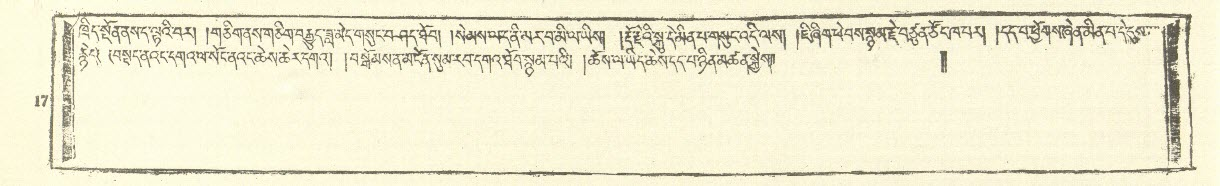ཁྲིད་སྔོན་ནས་ད་ལྟའི་བར། །གཅིག་ནས་གཅིག་བརྒྱུད་ཟླ་མེད་གསུམ་བཤད་ཐོབ། །སེམས་ལ་ད་ནི་མར་བ་མི་ལ་ཡིས། །རྡོ་རྗེའི་སྐུ་དེ་མིན་པ་གསུང་འདི་ལས། །ཇི་ཞི་ཕེབས་སྙམ་རྗེ་བཙུན་ཙོང་ཁ་པར། །དད་པ་ཕྱོགས་ཞེན་མིན་པ་དེ་དུས་
རྙེད། །བསྡད་ནའང་དགའ་ལ་སོང་ནའང་ཆེས་ཆེར་དགའ། །བསྒོམས་ན་མངོན་སུམ་རབ་དགའ་ཐོབ་སྙམ་པའི། །ཞོས་ལ་ཡིད་ཆེས་དད་པ་ཉིན་མཚན་སྐྱེས།། །།